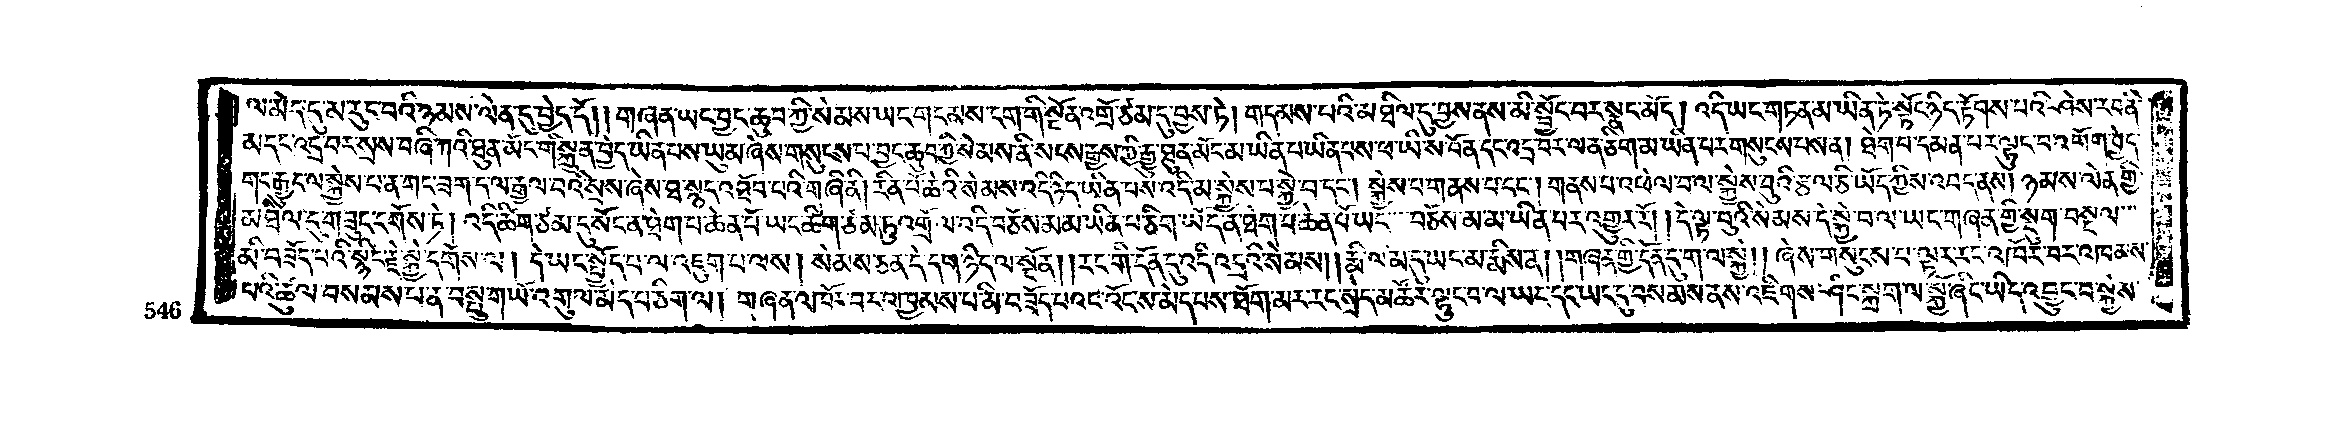ལ་མེད་དུ་མ་རུང་བའི་ཉམས་ལེན་དུ་བྱེད་དོ། །གཞན་ཡང་བྱང་ཆུབ་ཀྱི་སེམས་ཡང་གདམས་ངག་གི་སྔོན་འགྲོ་ཙམ་དུ་བྱས་ཏེ། གདམས་པའི་མཐིལ་དུ་བྱས་ནས་མི་སྦྱོང་བར་སྣང་མོད། འདི་ཡང་གཏན་མ་ཡིན་ཏེ་སྟོང་ཉིད་རྟོགས་པའི་ཤེས་རབ་ནི་
མ་དང་འདྲ་བར་སྲས་བཞི་ཀའི་ཐུན་མོང་གི་སྐྲུན་བྱེད་ཡིན་པས་ཡུམ་ཞེས་གསུངས་པ་བྱང་ཆུབ་ཀྱི་སེམས་ནི་སངས་རྒྱས་ཀྱི་རྒྱུ་ཐུན་མོང་མ་ཡིན་པ་ཡིན་པས་ཕ་ཡི་ས་བོན་དང་འདྲ་བར་ལན་ཅིག་མ་ཡིན་པར་གསུངས་པས་ན། ཐེག་པ་དམན་པར་ལྟུང་བ་འགོག་བྱེད་
གང་རྒྱུད་ལ་སྐྱེས་པ་ན་གང་ཟག་དེ་ལ་རྒྱལ་བའི་སྲས་ཞེས་ཐ་སྙད་འཐོབ་པའི་གཞི་ནི། རིན་པོ་ཆེའི་སེམས་འདི་ཉིད་ཡིན་པས་འདི་མ་སྐྱེས་པ་སྐྱེ་བ་དང་། སྐྱེས་པ་གནས་པ་དང་། གནས་པ་འཕེལ་བ་ལ་སྐྱེས་བུའི་རྩལ་ཅི་ཡོད་ཀྱིས་འབད་ནས། ཉམས་ལེན་གྱི་
མཐིལ་དུ་གཟུང་དགོས་ཏེ། འདི་ཚིག་ཙམ་དུ་སོང་ན་ཐེག་པ་ཆེན་པོ་ཡང་ཚིག་ཙམ་ཏུ་འགྲོ་ལ་འདི་བཅོས་མ་མ་ཡིན་པ་ཅིག་ཡོད་ན་ཐེག་པ་ཆེན་པོ་ཡང་བཅོས་མ་མ་ཡིན་པར་འགྱུར་རོ། །དེ་ལྟ་བུའི་སེམས་དེ་སྐྱེ་བ་ལ་ཡང་གཞན་གྱི་སྡུག་བསྔལ་
མི་བཟོད་པའི་སྙིང་རྗེ་སྐྱེ་དགོས་ལ། དེ་ཡང་སྤྱོད་པ་ལ་འཇུག་པ་ལས། སེམས་ཅན་དེ་དག་ཉིད་ལ་སྔོན། །རང་གི་དོན་དུ་འདི་འདྲའི་སེམས། །རྨི་ལམ་དུ་ཡང་མ་རྨིས་ན། །གཞན་གྱི་དོན་དུ་ག་ལ་སྐྱེ། །ཞེས་གསུངས་པ་ལྟར་རང་འཁོར་བར་འཁམས་
པའི་ཚུལ་བསམས་པ་ན་བ་སྤུ་གཡོ་འགུལ་མེད་པ་ཅིག་ལ། གཞན་འཁོར་བར་འཁྱམས་པ་མི་བཟོད་པའང་འོང་ས་མེད་པས་ཐོག་མར་རང་སྲེད་མཚོར་ལྷུང་བ་ལ་ཡང་དང་ཡང་དུ་བསམས་ནས་འཇིགས་ཤིང་སྐྲག་ལ་སྐྱོ་ཞིང་ཡིད་འབྱུང་བ་སྐྱེས་